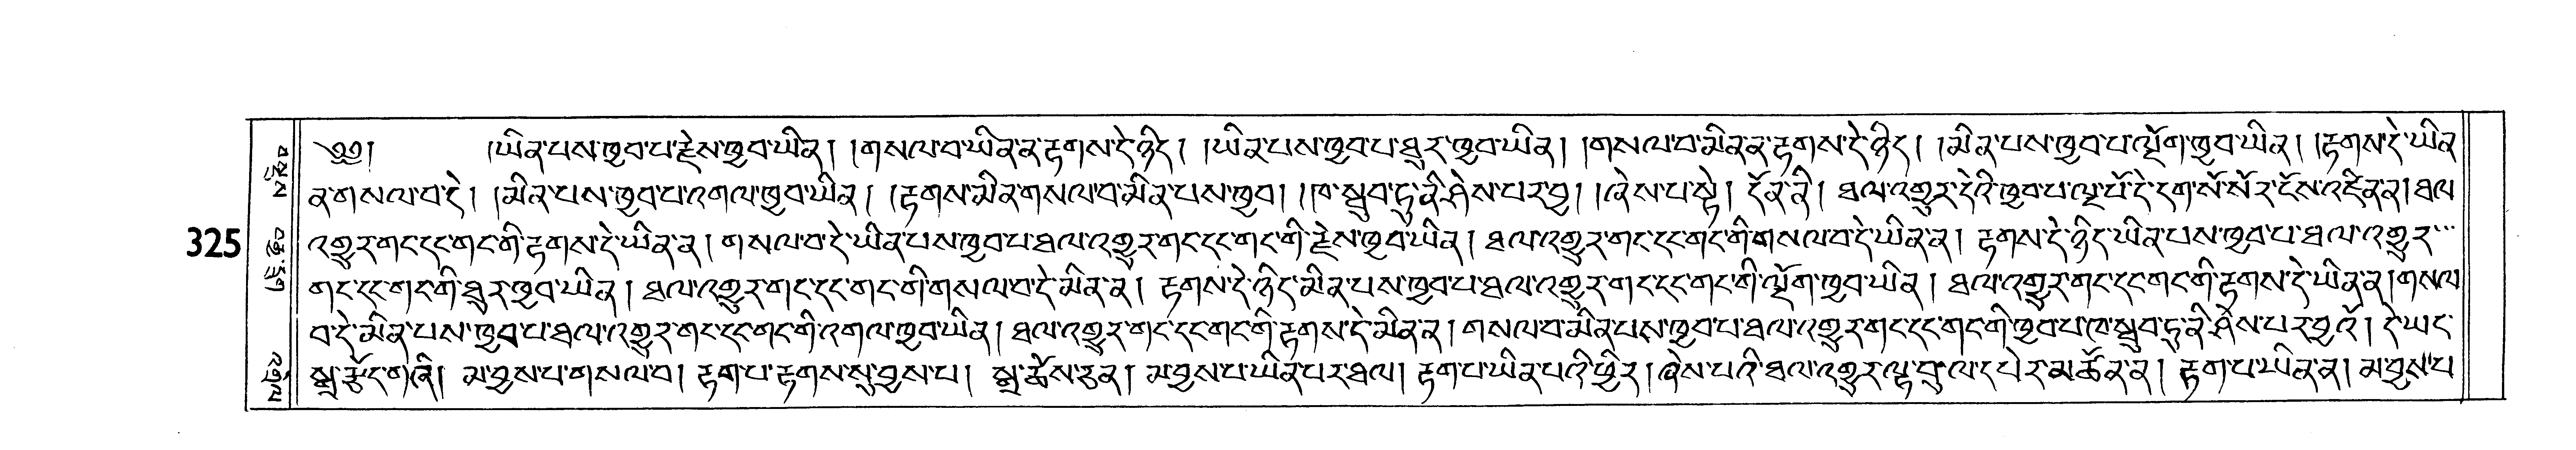༄༅། །ཡིན་པས་ཁྱབ་པ་རྗེས་ཁྱབ་ཡིན། །གསལ་བ་ཡིན་ན་རྟགས་དེ་ཉིད། །ཡིན་པས་ཁྱབ་པ་ཐུར་ཁྱབ་ཡིན། །གསལ་བ་མིན་ན་རྟགས་དེ་ཉིད། །མིན་པས་ཁྱབ་པ་ལྡོག་ཁྱབ་ཡིན། །རྟགས་དེ་ཡིན་
ན་གསལ་བ་དེ། །མིན་པས་ཁྱབ་པ་འགལ་ཁྱབ་ཡིན། །རྟགས་མིན་གསལ་བ་མིན་པས་ཁྱབ། །ཁ་སྦུབ་ཏུ་ནི་ཤེས་པར་བྱ། །ཞེས་པ་སྟེ། དོན་ནི། ཐལ་འགྱུར་དེའི་ཁྱབ་པ་ལྔ་པོ་དེ་དག་སོ་སོར་ངོས་འཛིན་ན། ཐལ་
འགྱུར་གང་དང་གང་གི་རྟགས་དེ་ཡིན་ན། གསལ་བ་དེ་ཡིན་པས་ཁྱབ་པ་ཐལ་འགྱུར་གང་དང་གང་གི་རྗེས་ཁྱབ་ཡིན། ཐལ་འགྱུར་གང་དང་གང་གི་གསལ་བ་དེ་ཡིན་ན། རྟགས་དེ་ཉིད་ཡིན་པས་ཁྱབ་པ་ཐལ་འགྱུར་
གང་དང་གང་གི་ཐུར་ཁྱབ་ཡིན། ཐལ་འགྱུར་གང་དང་གང་གི་གསལ་བ་དེ་མིན་ན། རྟགས་དེ་ཉིད་མིན་པས་ཁྱབ་པ་ཐལ་འགྱུར་གང་དང་གང་གི་ལྡོག་ཁྱབ་ཡིན། ཐལ་འགྱུར་གང་དང་གང་གི་རྟགས་དེ་ཡིན་ན། གསལ་
བ་དེ་མིན་པས་ཁྱབ་པ་ཐལ་འགྱུར་གང་དང་གང་གི་འགལ་ཁྱབ་ཡིན། ཐལ་འགྱུར་གང་དང་གང་གི་རྟགས་དེ་མིན་ན། གསལ་བ་མིན་པས་ཁྱབ་པ་ཐལ་འགྱུར་གང་དང་གང་གི་ཁྱབ་པ་ཁ་སྦུབ་ཏུ་ནི་ཤེས་པར་བྱའོ། དེ་ཡང་
སྒྲ་རྩོད་གཞི། མ་བྱས་པ་གསལ་བ། རྟག་པ་རྟགས་སུ་བྱས་པ། སྒྲ་ཆོས་ཅན། མ་བྱས་པ་ཡིན་པར་ཐལ། རྟག་པ་ཡིན་པའི་ཕྱིར། ཞེས་པའི་ཐལ་འགྱུར་ལྟ་བུ་ལ་དཔེར་མཚོན་ན། རྟག་པ་ཡིན་ན། མ་བྱས་པ་